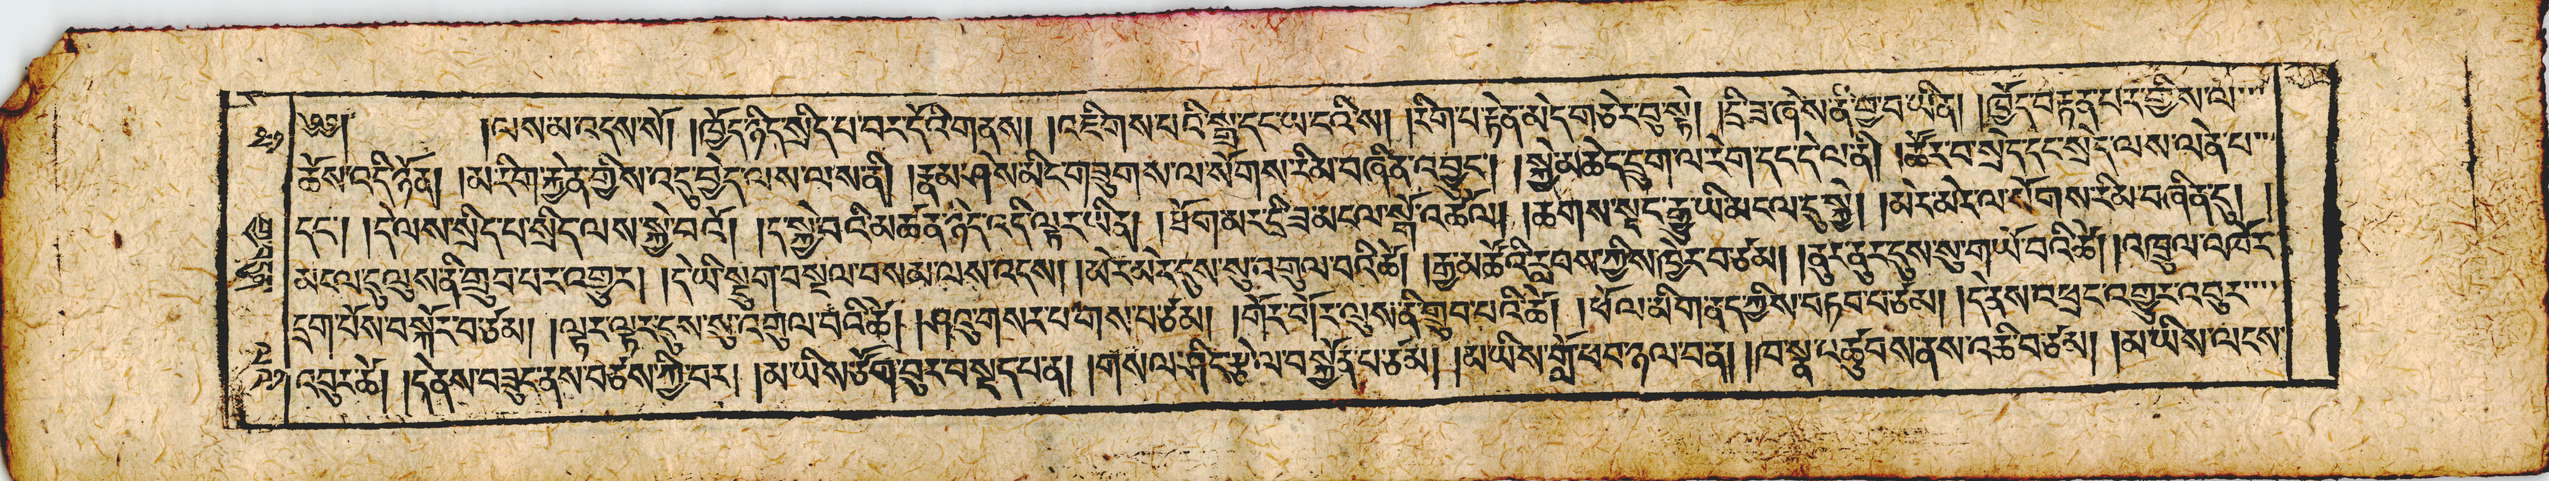ལས་མ་འདུས་སོ། །ཁྱོད་ཉིད་སྲིད་པ་བར་དོའི་གནས། །འཇིགས་པའི་སྒྲ་དང་ཡ་ངའི་ས། །རིག་པ་རྟེན་མེད་གཅེར་བུ་སྟེ། །དྲི་ཟ་ཞེས་ནི་བྱ་བ་ཡིན། །ཁྱོད་བརྟན་པར་གྱིས་ལ་
ཆོས་འདི་ཉོན། །མ་རིག་རྐྱེན་གྱིས་འདུ་བྱེད་ལས་ལས་ནི། །རྣམ་ཤེས་མིང་གཟུགས་ལ་སོགས་རིམ་བཞིན་འབྱུང་། །སྐྱེ་མཆེད་དྲུག་ལ་རེག་དང་དེ་ལ་ནི། །ཚོར་བ་སྲེད་དང་སྲེད་ལས་ལེན་པ་
དང་། །དེ་ལས་སྲིད་པ་སྲིད་ལས་སྐྱེ་བའོ། །ད་སྐྱེ་བའི་མཚན་ཉིད་འདི་ལྟར་ཡིན། །ཐོག་མར་དྲི་ཟ་མངལ་སྒོ་འཚོལ། །ཆགས་སྡང་རྒྱ་ཡི་མངལ་དུ་སྐྱེ། །མེར་མེར་ལ་སོགས་རིམ་བཞིན་དུ། །
མངལ་དུ་ལུས་ནི་གྲུབ་པར་འགྱུར། །དེ་ཡི་སྡུག་བསྔལ་བསམ་ལས་འདས། །མེར་མེར་དུས་སུ་འགུལ་བའི་ཚེ། །རྒྱ་མཚོའི་རླབས་ཀྱིས་ཁྱེར་བ་ཙམ། །ནུར་ནུར་དུས་སུ་ག་ཡོ་བའི་ཚེ། །འཁྲུལ་འཁོར་
དྲག་པོས་བསྐོར་བ་ཙམ། །ལྟར་ལྟར་དུས་སུ་འགུལ་བའི་ཚེ། །ཤའུ་གསར་པ་གས་པ་ཙམ། །གོར་གོར་ལུས་ནི་གྲུབ་པའི་ཚེ། །ཕོལ་མིག་ནད་ཀྱིས་བཏབ་པ་ཙམ། །དེ་ནས་འཕྲང་འགྱུར་འབུར་
འབུར་ཚེ། །དེ་ནས་བཟུང་ནས་བཙས་ཀྱི་བར། །མ་ཡིས་ཙོག་བུར་བསྡད་པ་ན། །གསལ་ཤིང་རྩེ་ལ་བསྐྱོན་པ་ཙམ། །མ་ཡིས་གློ་ཕབ་ཉལ་བ་ན། །ཁ་སྣ་འཚུབས་ནས་འཆི་བ་ཙམ། །མ་ཡིས་ལངས་